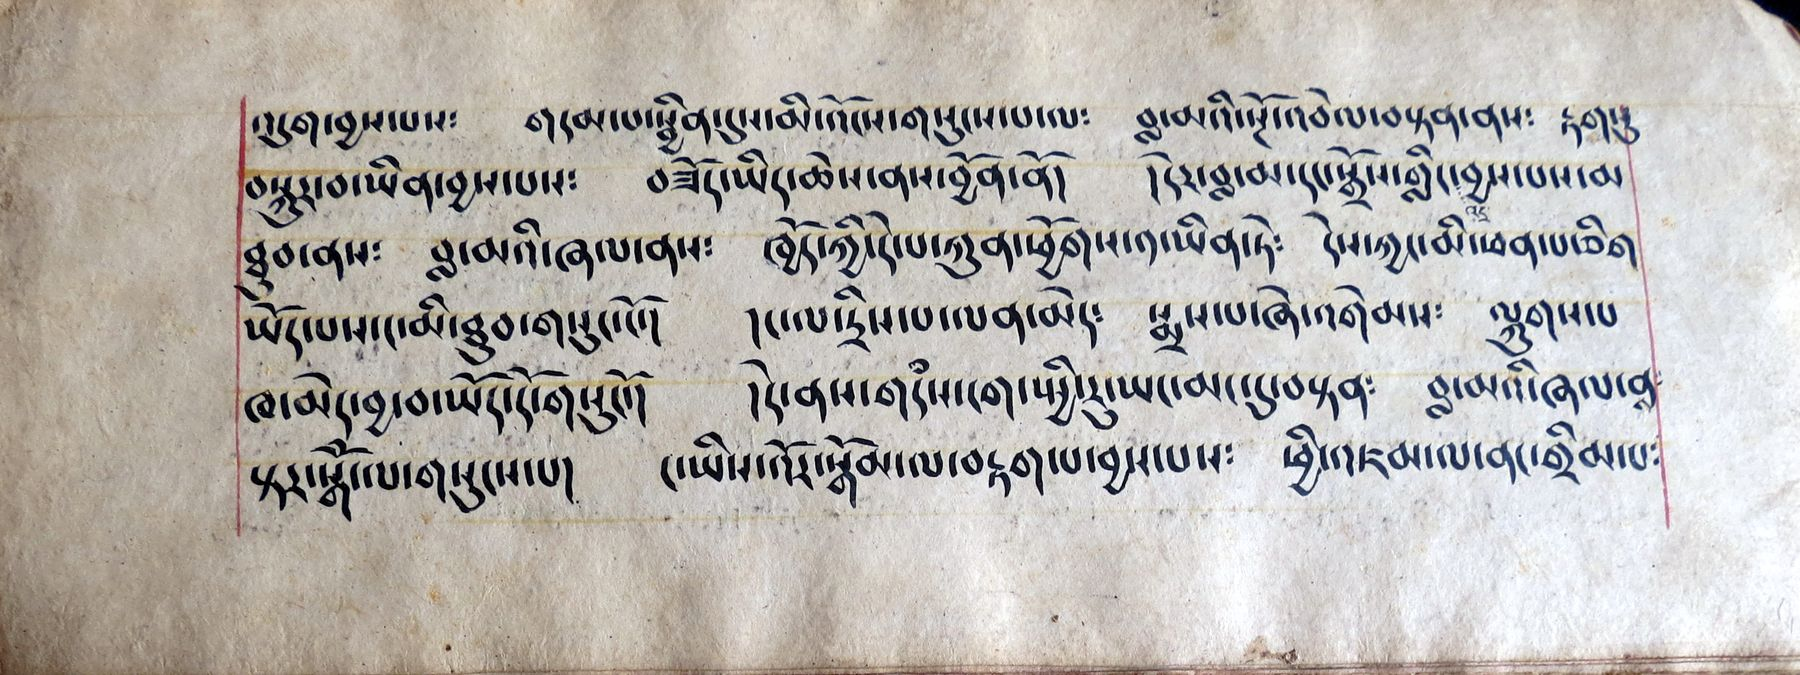འདུག་བྱས་པས། གདམས་པ་སྦྱིན་དུས་མི་ཡོང་གསུངས་པ་ལ། བླ་མའི་སྔོ་འབེལ་བསྟན་ནས་རྟགས་སུ་
བསྐུར་བ་ཡིན་བྱས་པས། གཟོད་ཡིད་ཆེས་ནས་བྱོན་ནོ། །དེར་བླ་མ་དང་སྒྲོས་གླེང་འདྲ་བྱས་པས་མ་
ཐུབ་ནས། བླ་མའི་ཞལ་ནས་ཁྱོད་ཀྱི་དེ་རྣམས་ཀུན་ཕྱོགས་གཅིག་པ་ཡིན་ཏེ། དེས་ཀྱང་མི་ཕན་པ་ཞིག་
ཡོད་པས་ང་མི་ཐུབ་གསུང་ངོ་། །ང་ལ་དྲིས་པ་ལན་མེད། སྨྲས་པ་ཞེ་འགེམ། ལྐུགས་པ་
ཁ་མེད་བྱ་བ་ཡོད་གསུངས་སོ། །དེ་ནས་གདམས་ངག་སྤྱི་རུ་ཡང་མང་དུ་བསྟན། བླ་མའི་ཞལ་ནས་
སྟར་སྒོམ་ལ་གསུངས་པ། ང་ཡིས་འོར་སྒོམ་ལ་༼དངོས་གྲུབ་རྒྱལ་མཚན་ལ་དཔེ་གཞན་ལ༽བརྟགས་པ་བྱས་པས། ཕྱི་འཇམ་ལ་ནང་གྲིམས་པ།